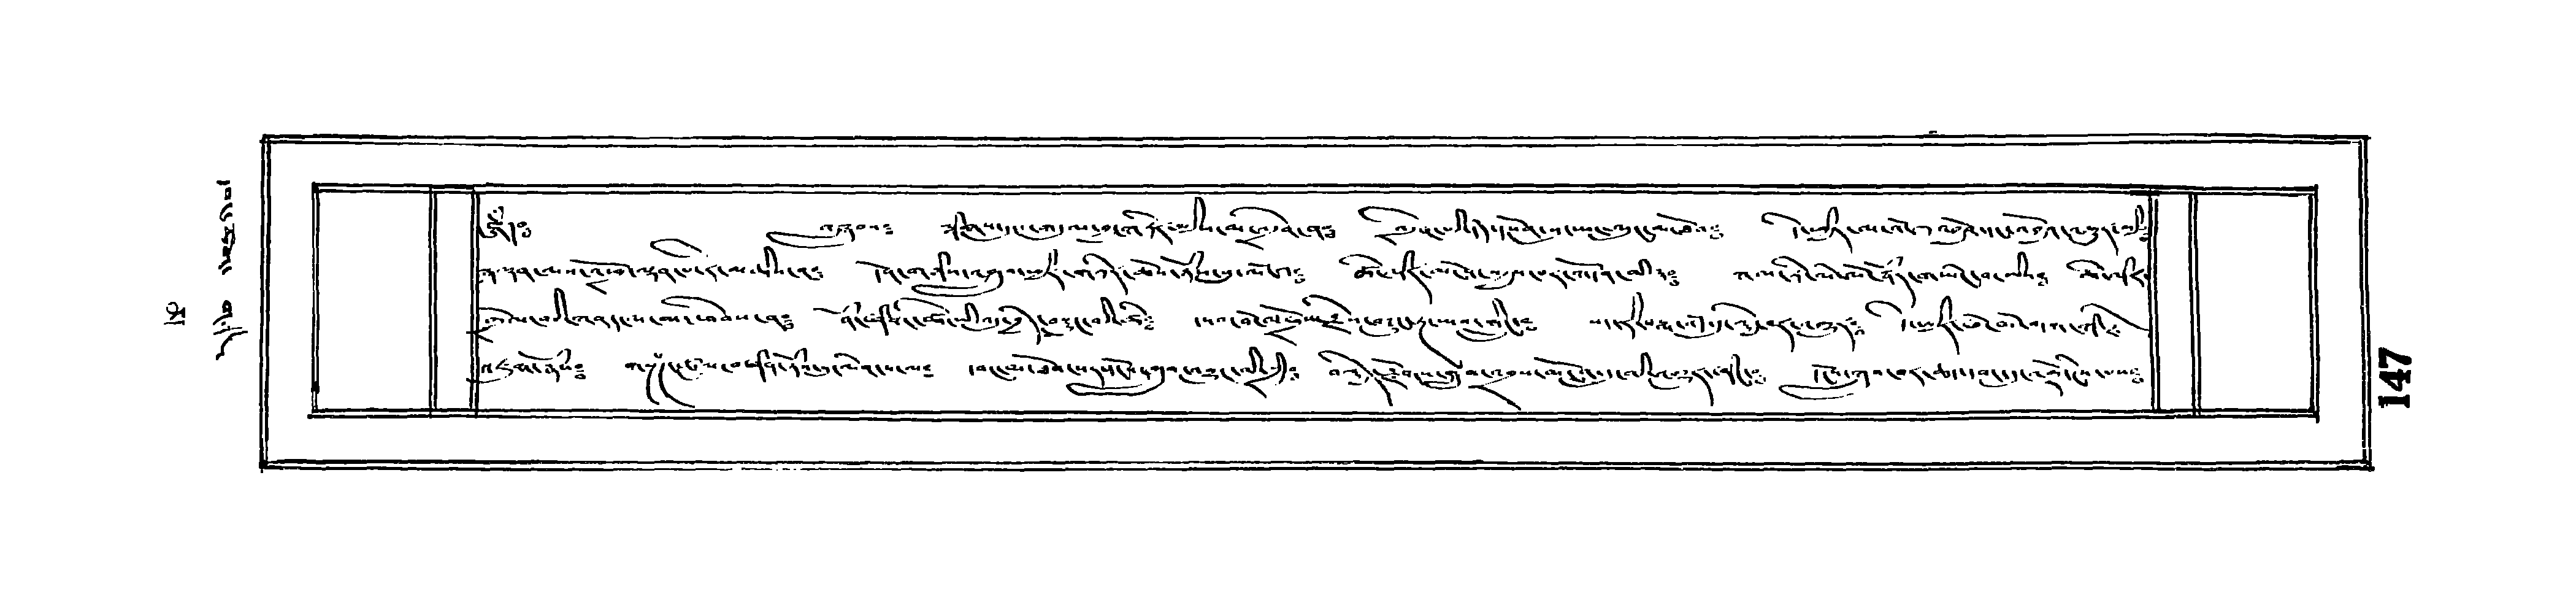སྒྲུབས༔ སྙིགས་དུས་གདུལ་བྱ་གཏེར་གྱིས་མ་འདྲེན་ན༔ འདྲེན་པའི་དེད་དཔོན་སུ་ཡང་ལུང་མ་ཐོབ༔ དེ་ཕྱིར་མ་འོངས་འབྱོན་དང་འབྱོན་འགྱུར་གྱི༔ 
སྐལ་ལྡན་ལས་འཕྲོ་ལྡན་པ་རེ་མཆིས་ན༔ དོན་གཉིས་འགྲུབ་ཕྱིར་གཏེར་ཆོས་ཉམས་སུ་ལོངས༔ ཚེ་འདིར་མངོན་སངས་རྒྱས་པར་གདོན་མི་ཟ༔ གལ་ཏེ་ལེ་ལོ་རྣམ་པར་གཡེང་བ་ཡིས༔ ཚེ་འདིར་
གྲོལ་བའི་གནད་ལ་མ་ཕེབས་ན༔ ནམ་ཞིག་ཚེ་ཡི་འདུ་བྱེད་བསྟུང་བའི་ཚེ༔ དཔའ་བོ་མཁའ་འགྲོས་རྗེས་བཟུང་རྔ་ཡབ་གླིང༔ དཔལ་རི་པདྨ་འོད་དུ་སྐྱེ་བར་འགྱུར༔ དེ་ཕྱིར་ཁོ་མོ་བདག་གི་རྗེས་
འཇུག་རྣམས༔ གསང་སྔགས་ཚུལ་བཞིན་ཉམས་སུ་ལེན་པ་ལ༔ དབང་མ་ཐོས་པར་དངོས་གྲུབ་འབྱུང་མི་སྲིད༔ བསྐྱེད་རྫོགས་གྲུབ་འབྲས་མངོན་དུ་མི་འགྱུར་ཞིང༔ དངོས་གྲུབ་བར་ཆད་དབང་དུ་འགྲོ་ངེས་པས༔